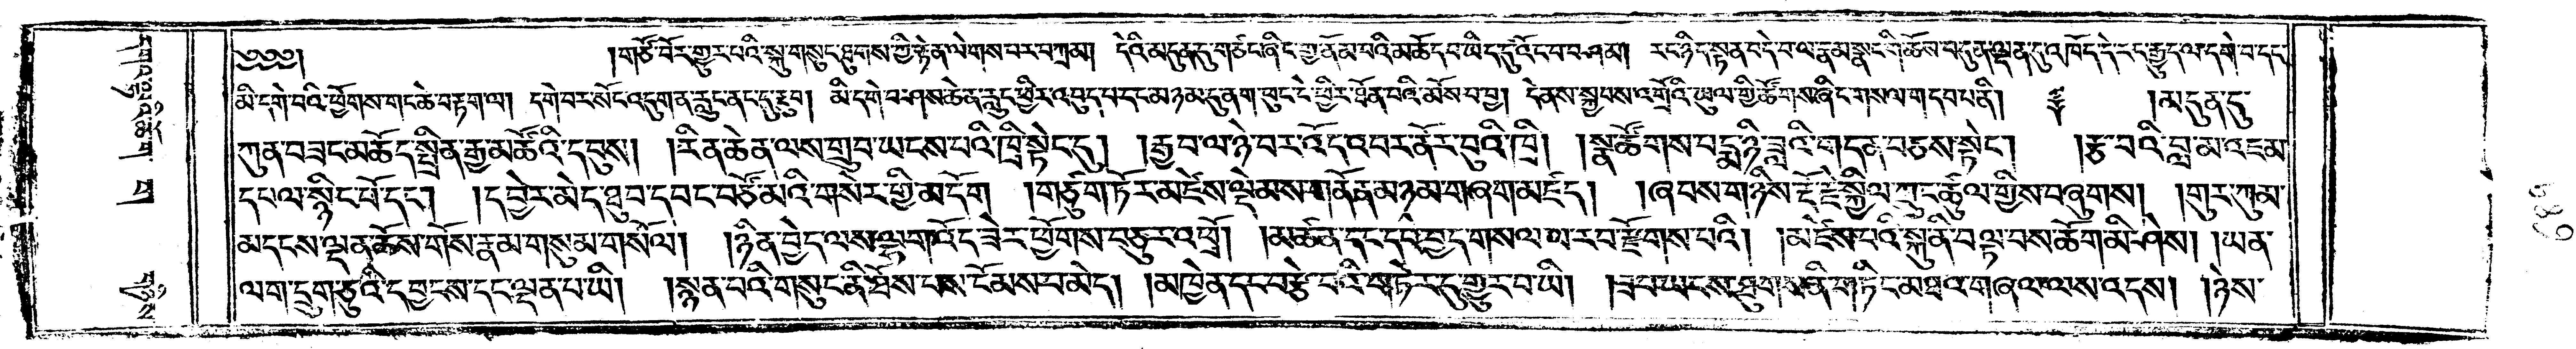༄༅༅། །གཙོ་བོར་གྱུར་པའི་སྐུ་གསུང་ཐུགས་ཀྱི་རྟེན་ལེགས་པར་བཀྲམ། དེའི་མདུན་དུ་གཙང་ཞིང་གྱ་ནོམ་བའི་མཆོད་པ་ཡིད་དུ་འོང་བ་བཤམ། རང་ཉིད་སྟན་བདེ་བ་ལ་རྣམ་སྣང་གི་ཆོས་བདུན་ལྡན་དུ་འཁོད་དེ་རང་རྒྱུད་ལ་དགེ་བ་དང་
མི་དགེ་བའི་ཕྱོགས་གང་ཆེ་བརྟག་ལ། དགེ་བར་སོང་འདུག་ན་རླུང་ནང་དུ་རྡུབ། མི་དགེ་བ་ཤས་ཆེན་རླུང་ཕྱིར་འབུད་པ་དང་མཉམ་དུ་ནག་ཕུང་དེ་ཕྱིར་ཐོན་པའི་མོས་པ་བྱ། དེ་ནས་སྐྱབས་འགྲོའི་ཡུལ་གྱི་ཚོགས་ཞིང་གསལ་གདབ་པ་ནི། ༈ །མདུན་དུ་
ཀུན་བཟང་མཆོད་སྤྲིན་རྒྱ་མཚོའི་དབུས། །རིན་ཆེན་ལས་གྲུབ་ཡངས་པའི་ཁྲི་སྟེང་དུ། །རྒྱབ་ལ་ཉེ་བར་འོད་འབར་ནོར་བུའི་ཁྲི། །སྣ་ཚོགས་པདམ་ཉི་ཟླའི་གདན་བཅས་སྟེང་། །རྩ་བའི་བླ་མ་འཇམ་
དཔལ་སྙིང་པོ་དང་། །དབྱེར་མེད་ཐུབ་དབང་བཙོ་མའི་གསེར་གྱི་མདོག །གཙུག་ཏོར་མཛེས་ལྡེམས་གནོན་མཉམ་གཞག་མཛད། །ཞབས་གཉིས་རྡོ་རྗེ་སྐྱིལ་ཀྲུང་ཚུལ་གྱིས་བཞུགས། །གུར་ཀུམ་
མདངས་ལྡན་ཆོས་གོས་རྣམ་གསུམ་གསོལ། །ཉིན་བྱེད་ལས་ལྷག་འོད་ཟེར་ཕྱོགས་བཅུར་འཕྲོ། །མཚན་དང་དཔེ་བྱད་གསལ་ལ་རབ་རྫོགས་པའི། །མཛེས་པའི་སྐུ་ནི་བལྟ་བས་ཆོག་མི་ཤེས། །ཡན་
ལག་དྲུག་ཅུའི་དབྱངས་དང་ལྡན་པ་ཡི། །སྙན་པའི་གསུང་ནི་ཐོས་པས་ངོམས་པ་མེད། །མཁྱེན་དང་བརྩེ་བའི་གཏེར་དུ་གྱུར་པ་ཡི། །ཟབ་ཡངས་ཐུགས་ནི་གཏིང་མཐའ་གཞལ་ལས་འདས། །ཉེས་